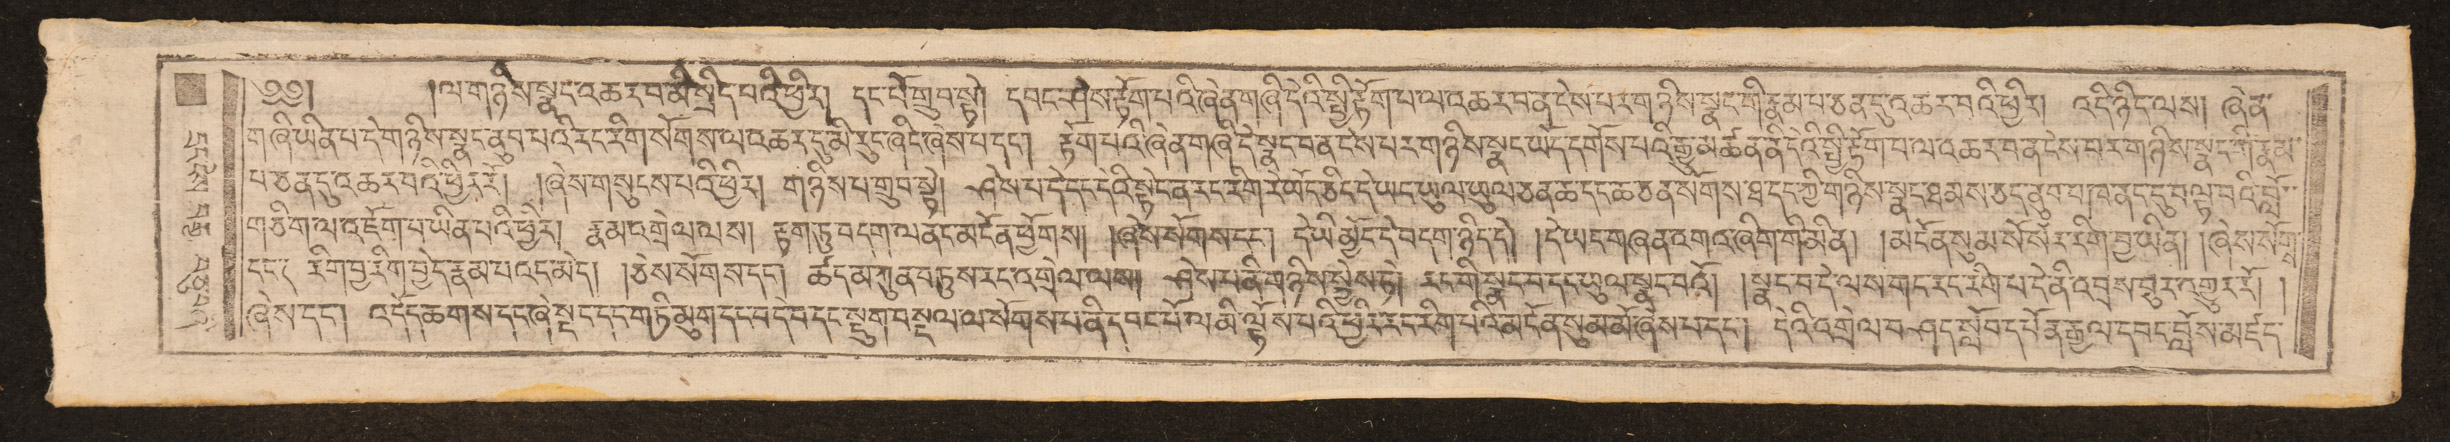༄༅། །ལ་གཉིས་སྣང་འཆར་བ་མི་སྲིད་པའི་ཕྱིར། དང་པོ་གྲུབ་སྟེ། དབང་ཤེས་རྟོག་པའི་ཞེན་གཞི་དེའི་སྤྱི་རྟོག་པ་ལ་འཆར་བ་ན་ངེས་པར་གཉིས་སྣང་གི་རྣམ་པ་ཅན་དུ་འཆར་བའི་ཕྱིར། འདི་ཉིད་ལས། ཞེན་
གཞི་ཡིན་པ་དེ་གཉིས་སྣང་ནུབ་པའི་རང་རིག་སོགས་ལ་འཆར་དུ་མི་རུང་ཞིང་ཞེས་པ་དང་། རྟོག་པའི་ཞེན་གཞི་དེ་སྣང་བ་ན་ངེས་པར་གཉིས་སྣང་ཡོད་དགོས་པའི་རྒྱུ་མཚན་ནི་དེའི་སྤྱི་རྟོག་པ་ལ་འཆར་བ་ན་ངེས་པར་གཉིས་སྣང་གི་རྣམ་
པ་ཅན་དུ་འཆད་པའི་ཕྱིར་རོ། །ཞེས་གསུངས་པའི་ཕྱིར། གཉིས་པ་གྲུབ་སྟེ། ཤེས་པ་དེ་དང་དེའི་སྟེང་ན་རང་རིག་རེ་ཡོད་ཅིང་དེ་ཡང་ཡུལ་ཡུལ་ཅན་ཆ་དང་ཆ་ཅན་སོགས་ཐ་དད་ཀྱི་གཉིས་སྣང་ཐམས་ཅད་ནུབ་པ་ཁ་ནང་དུ་བལྟ་བའི་བློ་
གཅིག་ལ་འཇོག་པ་ཡིན་པའི་ཕྱིར། རྣམ་འགྲེལ་ལས། རྟག་ཏུ་བདག་ལ་ནང་མངོན་ཕྱོགས། །ཞེས་སོགས་དང་། དེ་ཡི་མྱོང་དེ་བདག་ཉིད་དེ། །དེ་ཡང་གཞན་འགའ་ཞིག་གི་མིན། །མངོན་སུམ་སོ་སོར་རིག་བྱ་ཡིན། །ཞེས་སོགས་
དང་། རིག་བྱ་རིག་བྱེད་རྣམ་པའང་མེད། །ཅེས་སོགས་དང་། ཚད་མ་ཀུན་བཏུས་རང་འགྲེལ་ལས། ཤེས་པ་ནི་གཉིས་སྐྱེས་ཏེ། རང་གི་སྣང་བ་དང་ཡུལ་སྣང་བའོ། །སྣང་བ་དེ་ལས་གང་རང་རིག་པ་དེ་ནི་འབྲས་བུར་འགྱུར་རོ། །
ཞེས་དང་། འདོད་ཆགས་དང་ཞེ་སྡང་དང་གཏི་མུག་དང་བདེ་བ་དང་སྡུག་བསྔལ་ལ་སོགས་པ་ནི་དབང་པོ་ལ་མི་ལྟོས་པའི་ཕྱིར་རང་རིག་པའི་མངོན་སུམ་མོ་ཞེས་པ་དང་། དེའི་འགྲེལ་བཤད་སློབ་དཔོན་རྒྱལ་དབང་བློས་མཛད་